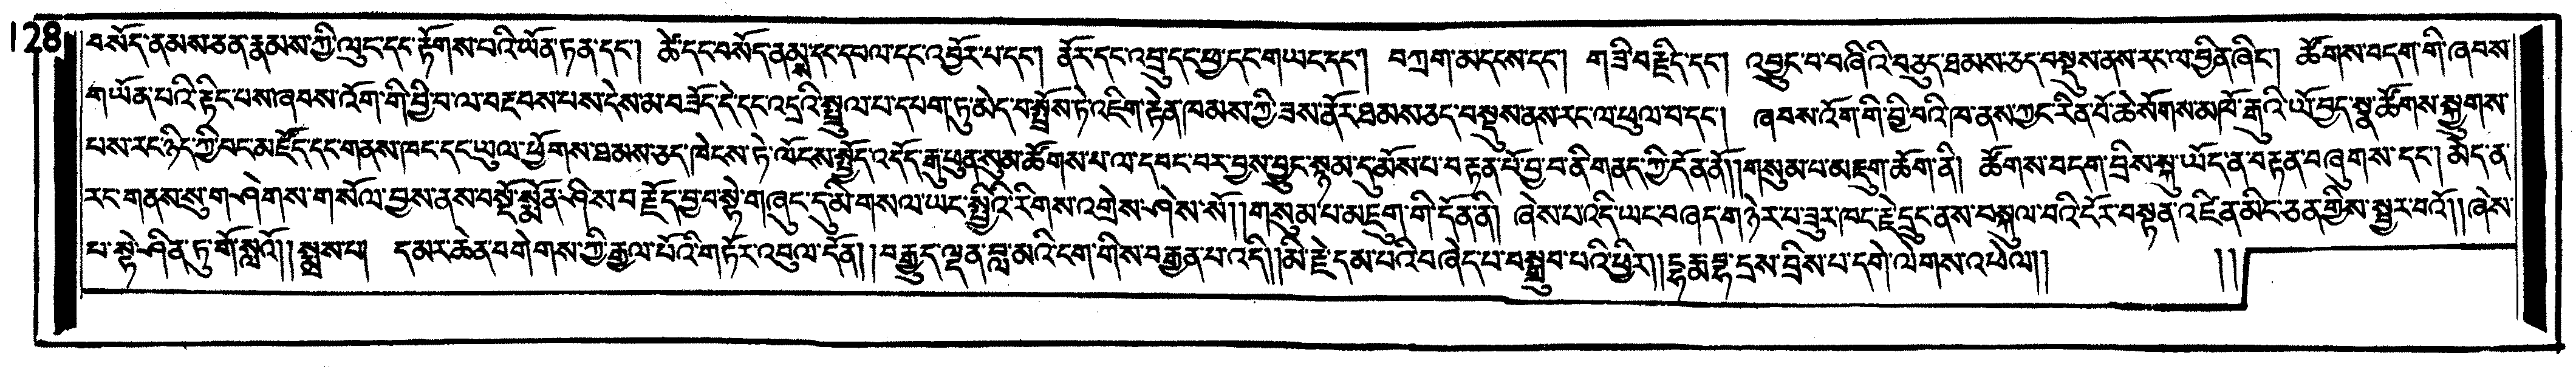བསོད་ནམས་ཅན་རྣམས་ཀྱི་ལུང་དང་རྟོགས་པའི་ཡོན་ཏན་དང་། ཚེ་དང་བསོད་ནམས་དང་དཔལ་དང་འབྱོར་པ་དང་། ནོར་དང་འབྲུ་དང་ཕྱ་དང་གཡང་དང་། བཀྲག་མདངས་དང་། གཟི་བརྗིད་དང་། འབྱུང་བ་བཞིའི་བཅུད་ཐམས་ཅད་བསྡུས་ནས་རང་ལ་བྱིན་ཞིང་། ཚོགས་བདག་གི་ཞབས་
གཡོན་པའི་རྟིང་པས་ཞབས་འོག་གི་བྱི་བ་ལ་བརྡབས་པས་དེས་མ་བཟོད་དེ་དང་འདྲའི་སྤྲུལ་པ་དཔག་ཏུ་མེད་པ་སྤྲོས་ཏེ་འཇིག་རྟེན་ཁམས་ཀྱི་ཟས་ནོར་ཐམས་ཅད་བསྡུས་ནས་རང་ལ་ཕུལ་བ་དང་། ཞབས་འོག་གི་བྱི་བའི་ཁ་ནས་ཀྱང་རིན་པོ་ཆེ་སོགས་མཁོ་རྒུའི་ཡོ་བྱད་སྣ་ཚོགས་སྐྱུགས་
པས་རང་ཉིད་ཀྱི་བང་མཛོད་དང་གནས་ཁང་དང་ཡུལ་ཕྱོགས་ཐམས་ཅད་ཁེངས་ཏེ་ལོངས་སྤྱོད་འདོད་རྒུ་ཕུན་སུམ་ཚོགས་པ་ལ་དབང་བར་བྱས་བྱུང་སྙམ་དུ་མོས་པ་བརྟན་པོ་བྱ་བ་ནི་གནད་ཀྱི་དོན་ནོ། །གསུམ་པ་མཇུག་ཆོག་ནི། ཚོགས་བདག་བྲིས་སྐུ་ཡོད་ན་བརྟན་བཞུགས་དང་། མེད་ན་
རང་གནས་སུ་གཤེགས་གསོལ་བྱས་ནས་བསྔོ་སྨོན་ཤིས་བརྗོད་བྱ་བ་སྟེ་གཞུང་དུ་མི་གསལ་ཡང་སྤྱིའི་རིགས་འགྲེས་ཤེས་སོ། །གསུམ་པ་མཇུག་གི་དོན་ནི། ཞེས་པ་འདི་ཡང་བཞད་གཉེར་པ་ཟུར་ཁང་རྗེ་དྲུང་ནས་བསྐུལ་བའི་ངོར་བསྟན་འཛིན་མིང་ཅན་གྱིས་སྦྱར་བའོ། །ཞེས་
པ་སྟེ་ཤིན་ཏུ་གོ་སླའོ། །སྨྲས་པ། དམར་ཆེན་བགེགས་ཀྱི་རྒྱལ་པོའི་གཏོར་འབུལ་དོན། །བརྒྱུད་ལྡན་བླ་མའི་ངག་གིས་བརྒྱན་པ་འདི། །མི་རྗེ་དམ་པའི་བཞེད་པ་བསྒྲུབ་པའི་ཕྱིར། །དྷརྨ་བྷ་དྲས་བྲིས་པ་དགེ་ལེགས་འཕེལ།། །།